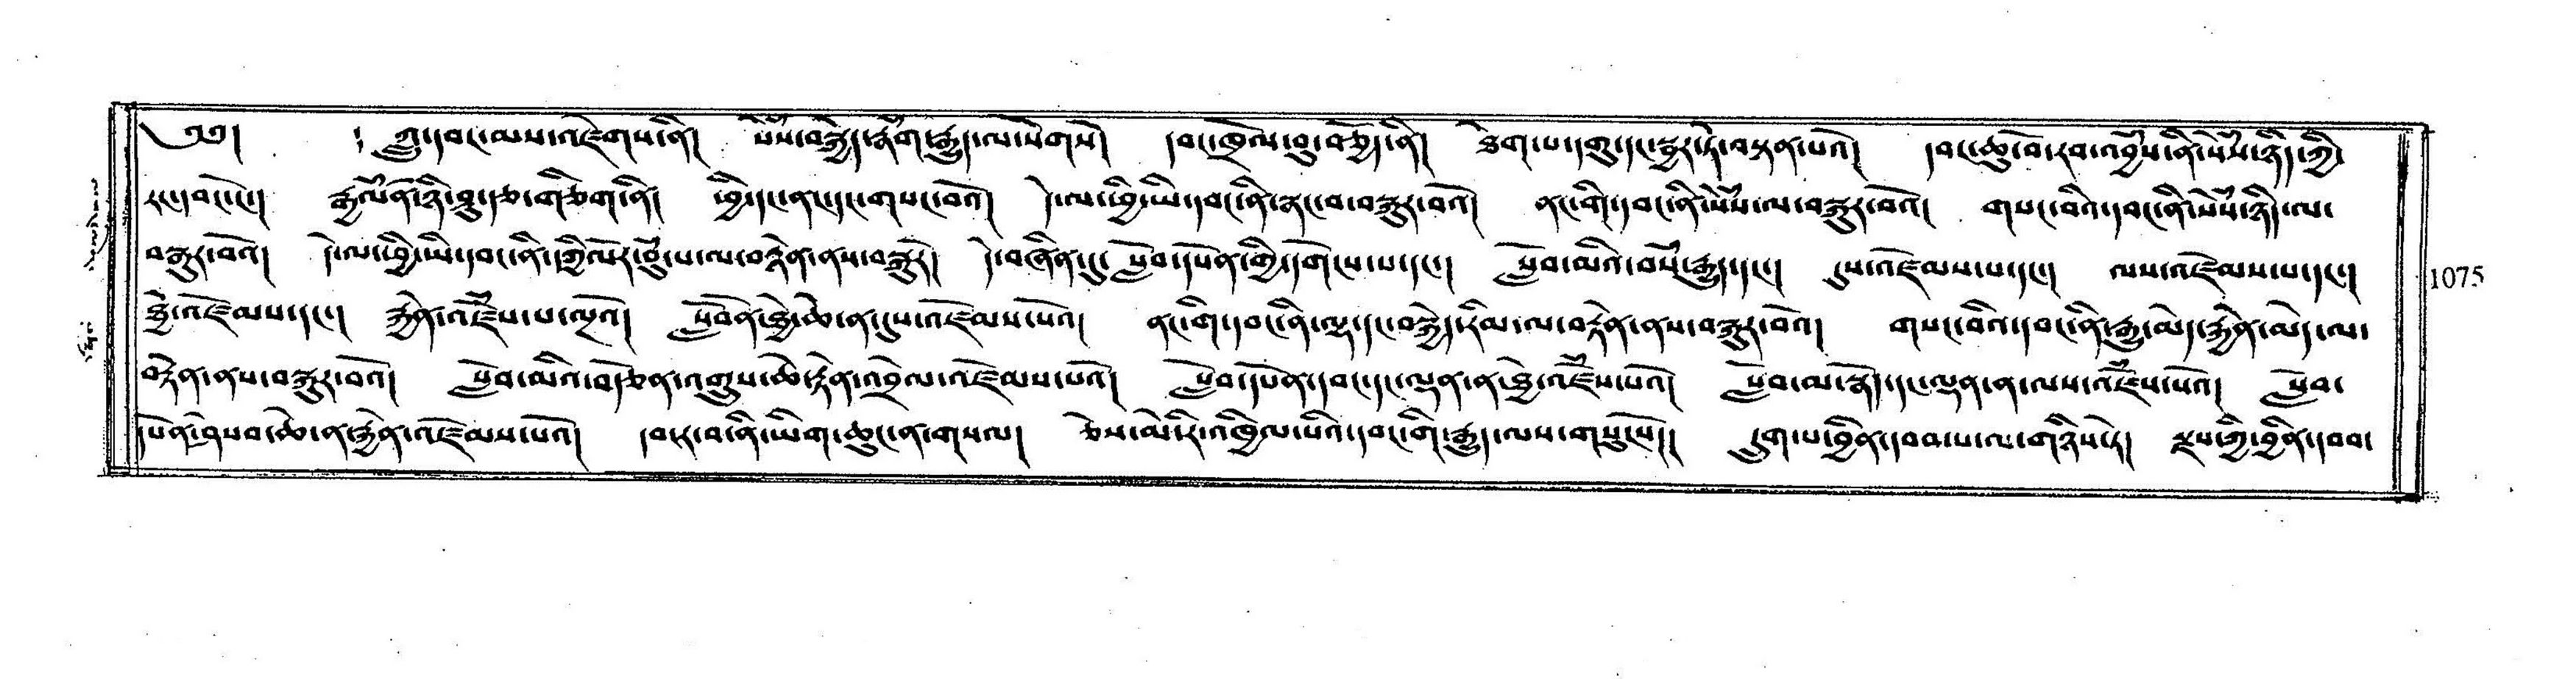ཀླུ་དབང་མས་འཛེགས་ནི། སེམས་བསྐྱེད་རྣམ་དག་རྒྱུད་ལ་སོགས་སོ། དབང་ཁྲོལ་བུ་བཅོ་བརྒྱད་ནི། ཐེག་པ་དགུ་དང་སྦྱར་ཏེ་བསྟན་པའོ། དབང་ཆུ་བོ་རབ་འབྱམས་ནི་སེམས་ཉིད་ཀྱི་
རང་དབང་ངོ་། རྒྱལ་མཚན་ཉི་ཤུ་རྩ་གཅིག་ནི། ཕྱི་དང་ནང་དང་གསང་བའོ། དེ་ལ་ཕྱི་ཡི་དབང་ནི་སྣང་བ་བསྐུར་བའོ། ནང་གི་དབང་ནི་སེམས་ལ་བསྐུར་བའོ། གསང་བའི་དབང་ནི་སེམས་ཉིད་ལ་
བསྒུར་བའོ། དེ་ལ་ཕྱི་ཡི་དབང་ནི་དཀྱིལ་འཁོར་བུམ་པ་ལ་བརྟེན་ནས་བསྐུར་རོ། དེ་བཞིན་དུ་སློབ་དཔོན་གྱི་དགོངས་པ་དང་། སློབ་མའི་བསམ་རྒྱུད་དང་། དུས་འཛོམས་པ་དང་། ལས་འཛོམས་པ་དང་། 
ཐུགས་རྗེ་འཛོམས་དང་། རྐྱེན་འཛོམས་པ་ལྔའོ། སློབ་དཔོན་ཐུགས་རྗེ་ཆེ་ན་དུས་འཛོམས་པའོ། ནང་གི་དབང་ནི་ལྷ་དང་བསྐྱེད་རིམ་ལ་བརྟེན་ནས་བསྐུར་བའོ། གསང་བའི་དབང་ནི་རྒྱུ་མེད་རྐྱེན་མེད་ལ་
བརྟེན་ནས་བསྐུར་བའོ། སློབ་མའི་བརྩོན་འགྲུས་ཆེ་རྟེན་འབྲེལ་འཛོམས་པའོ། སློབ་དཔོན་དབང་དང་ལྡན་ན་ཐུགས་རྗེ་འཛོམས་པའོ། སློབ་མ་སྣོད་དང་ལྡན་ན་ལས་འཛོམས་པའོ། སློབ་
དཔོན་ཤེས་རབ་ཆེ་ན་རྐྱེན་འཛོམས་པའོ། དབང་བསྐུར་བ་ནི་ཡིག་ཆུང་ན་གསལ། ཅེས་མེ་རི་འཁྱིལ་པའི་དབང་གི་རྒྱུད་ལས་གསུངས་སོ།། དྲུག་པ་བྱིན་དབབ་པ་ལ་གཉིས་ཏེ། རྫས་ཀྱི་བྱིན་དབབ་